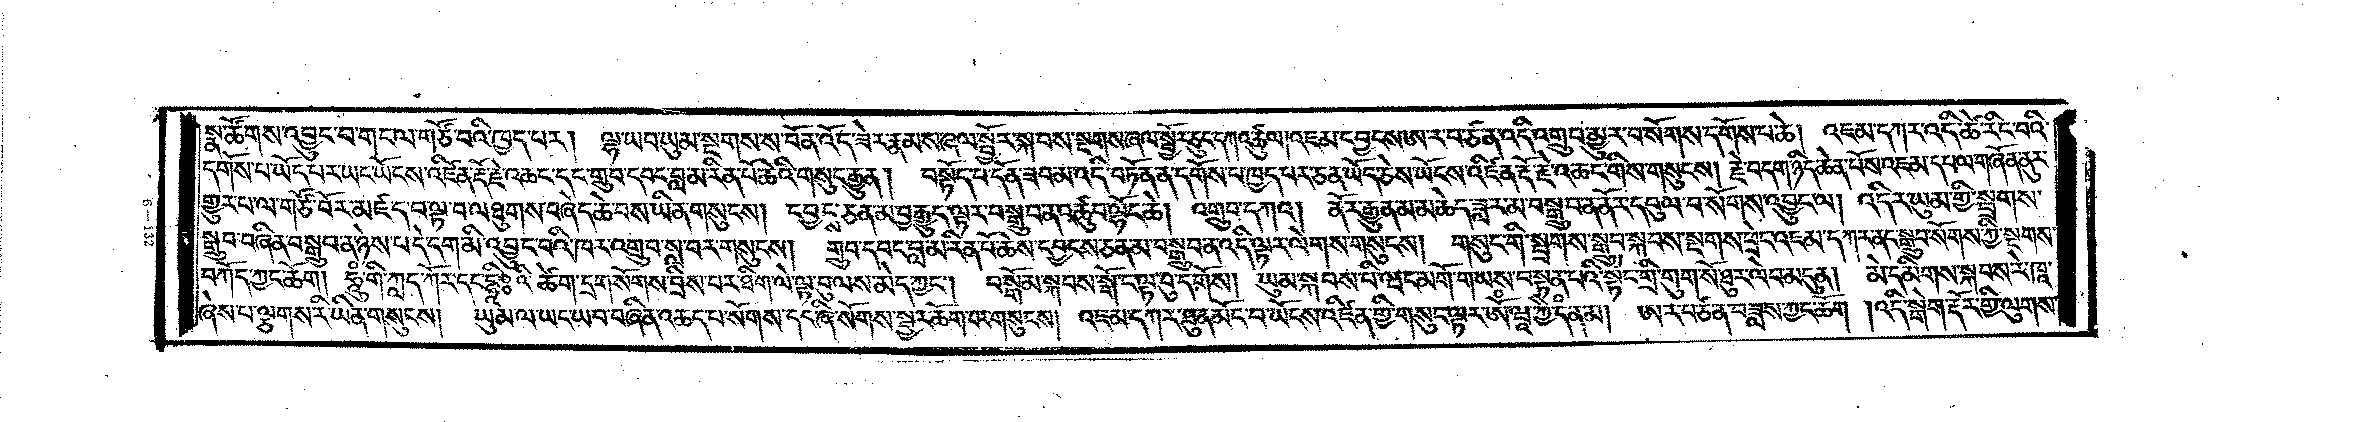སྣ་ཚོགས་འབྱུང་བ་གང་ལ་གཙོ་བའི་ཁྱད་པར། ལྷ་ཡབ་ཡུམ་སྔགས་ས་བོན་འོད་ཟེར་རྣམས་ཞལ་སྦྱོར་སྐབས་སྔགས་ཞལ་སྦྱོར་ཅུང་དཀའ་ཚུལ། འཇམ་དབྱངས་ཨ་ར་པ་ཙ་ན་འདི་འགྲུབ་མྱུར་བ་སོགས་དགོས་པ་ཆེ། འཇམ་དཀར་འདི་ཚེ་རིང་བའི་
དགོས་པ་ཡོད་པར་ཡང་ཡོངས་འཛིན་རྡོ་རྗེ་འཆང་དང་གྲུབ་དབང་བླ་མ་རིན་པོ་ཆེའི་གསུང་རྒྱུན། བསྟོད་པ་དོན་ཟབ་མ་འདི་བཏོན་ན་དགོས་པ་ཁྱད་པར་ཅན་ཡོད་ཅེས་ཡོངས་འཛིན་རྡོ་རྗེ་འཆང་གིས་གསུངས། རྗེ་བདག་ཉིད་ཆེན་པོས་འཇམ་དཔལ་གཞོན་ནུར་
གྱུར་པ་ལ་གཙོ་བོར་མཛད་བ་ལྟ་བ་ལ་ཐུགས་བཞེད་ཆེ་བས་ཡིན་གསུངས། དབྱངས་ཅན་མ་བྱ་རྒྱུད་ལྟར་བསྒྲུབ་ན་འཚུབ་ལྷོང་ཆེ། འགྲུབ་དཀའ། ནོར་རྒྱུན་མ་མཆེད་ཟླར་མ་བསྒྲུབ་ན་ནོར་དབུལ་བ་སོགས་འབྱུང་ལ། འདིར་ཡུམ་གྱི་སྦྲགས་
སྒྲུབ་བཞིན་བསྒྲུབ་ན་ཉེས་པ་དེ་དག་མི་འབྱུང་བའི་ཁར་འགྲུབ་སླ་བར་གསུངས། གྲུབ་དབང་བླ་མ་རིན་པོ་ཆེས་དབྱངས་ཅན་མ་བསྒྲུབ་ན་འདི་ལྟར་ལེགས་གསུངས། གསུང་གི་སྦྲགས་སྒྲུབ་སྐབས་སྔགས་ཕྲེང་འཇམ་དཀར་ནང་སྒྲུབ་སོགས་ཀྱི་སྔགས་
བཀོད་ཀྱང་ཆོག། ཧཱུཾ་གི་ཀླད་ཀོར་དང་དྷཱིཿའི་ཚེག་དྲག་སོགས་བྲིས་པར་ཐིག་ལེ་ལྟ་བུ་ལས་མེད་ཀྱང་། བསྒོམ་སྐབས་སྒོ་ང་ལྟ་བུ་དགོས། ཡུམ་སྐབས་པི་ཝང་མགོ་གཡས་བསྟན་པའི་སྟེང་གྲི་གུག་སོ་ཐུར་ལེབ་མདུན། མེ་དམིགས་སྐབས་རེ་ཁཱ་
ཞེས་པ་ལྕགས་རི་ཡིན་གསུངས། ཡུམ་ལ་ཡང་ཡབ་བཞིན་འཆད་པ་སོགས་དང་ཞི་སོགས་སྦྱར་ཆོག་པར་གསུངས། འཇམ་དཀར་ཐུན་མོང་བ་ཡོངས་འཛིན་གྱི་གསུང་ལྟར་ཨོཾ་ཝཱ་ཀྱཻ་དཾ་ན་མ། ཨ་ར་པ་ཙ་ན་བཟླས་ཀྱང་ཆོག །འདི་སྒེག་རྡོར་གྱི་ལུགས་